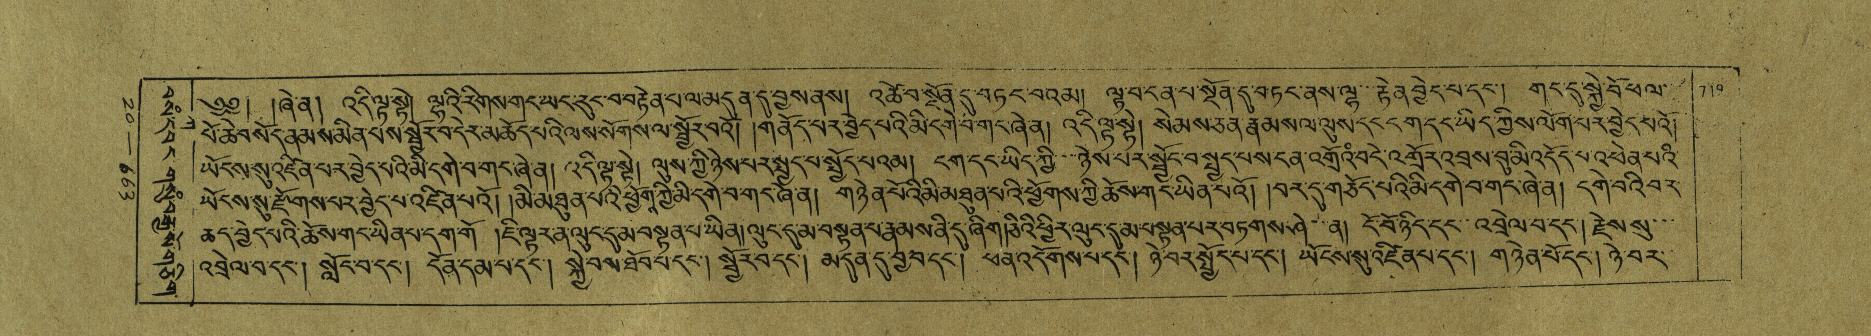༄༅། །ཞེ་ན། འདི་ལྟ་སྟེ། ལྷའི་རིགས་གང་ཡང་རུང་བ་བརྟེན་པ་ལ་མདུན་དུ་བྱས་ནས། འཚེ་བ་སྔོན་དུ་བཏང་བ་འམ། ལྟ་བ་ངན་པ་སྔོན་དུ་བཏང་ནས་ལྷ་རྟེན་བྱེད་པ་དང་། གང་དུ་སྐྱེ་བོ་ཕལ་
པོ་ཆེ་བསོད་ནམས་མིན་པས་སྦྱོར་བ་དེར་མཆོད་པའི་ལས་སོགས་ལ་སྦྱོར་བའོ། །གནོད་པར་བྱེད་པའི་མི་དགེ་བ་གང་ཞེ་ན། འདི་ལྟ་སྟེ། སེམས་ཅན་རྣམས་ལ་ལུས་དང་ངག་དང་ཡིད་ཀྱིས་ལོག་པར་བྱེད་པའོ།
ཡོངས་སུ་འཛིན་པར་བྱེད་པའི་མི་དགེ་བ་གང་ཞེ་ན། འདི་ལྟ་སྟེ། ལུས་ཀྱི་ཉེས་པར་སྤྱད་པ་སྤྱོད་པའམ། ངག་དང་ཡིད་ཀྱི་ཉེས་པར་སྦྱོང་བ་སྤྱད་པས་ངན་འགྲོའཾ་བདེ་འགྲོར་འབྲས་བུ་མི་འདོད་པ་འཕེན་པའི་
ཡོངས་སུ་རྫོགས་པར་བྱེད་པ་འཛིན་པའོ། །མི་མཐུན་པའི་ཕྱོགས་ཀྱི་མི་དགེ་བ་གང་ཞེ་ན། གཉེན་པོའི་མི་མཐུན་པའི་ཕྱོགས་ཀྱི་ཆོས་གང་ཡིན་པའོ། །བར་དུ་གཅོད་པའི་མི་དགེ་བ་གང་ཞེ་ན། དགེ་བའི་བར་
ཆད་བྱེད་པའི་ཆོས་གང་ཡིན་པ་དག་གོ །ཇི་ལྟར་ན་ལུང་དུ་མ་བསྟན་པ་ཡིན། ལུང་དུ་མ་བསྟན་པ་རྣམས་ནི་དུ་ཞིག། ཅིའི་ཕྱིར་ལུང་དུ་མ་བསྟན་པར་བཏགས་ཤེ་ན། ངོ་བོ་ཉིད་དང་འབྲེལ་བ་དང་། རྗེས་སུ་
འབྲེལ་བ་དང་། སློང་བ་དང་། དོན་དམ་པ་དང་། སྐྱེ་བས་ཐོབ་པ་དང་། སྦྱོར་བ་དང་། མདུན་དུ་བྱ་བ་དང་། ཕན་འདོགས་པ་དང་། ཉེ་བར་སྤྱོད་པ་དང་། ཡོངས་སུ་འཛིན་པ་དང་། གཉེན་པོ་དང་། ཉེ་བར་